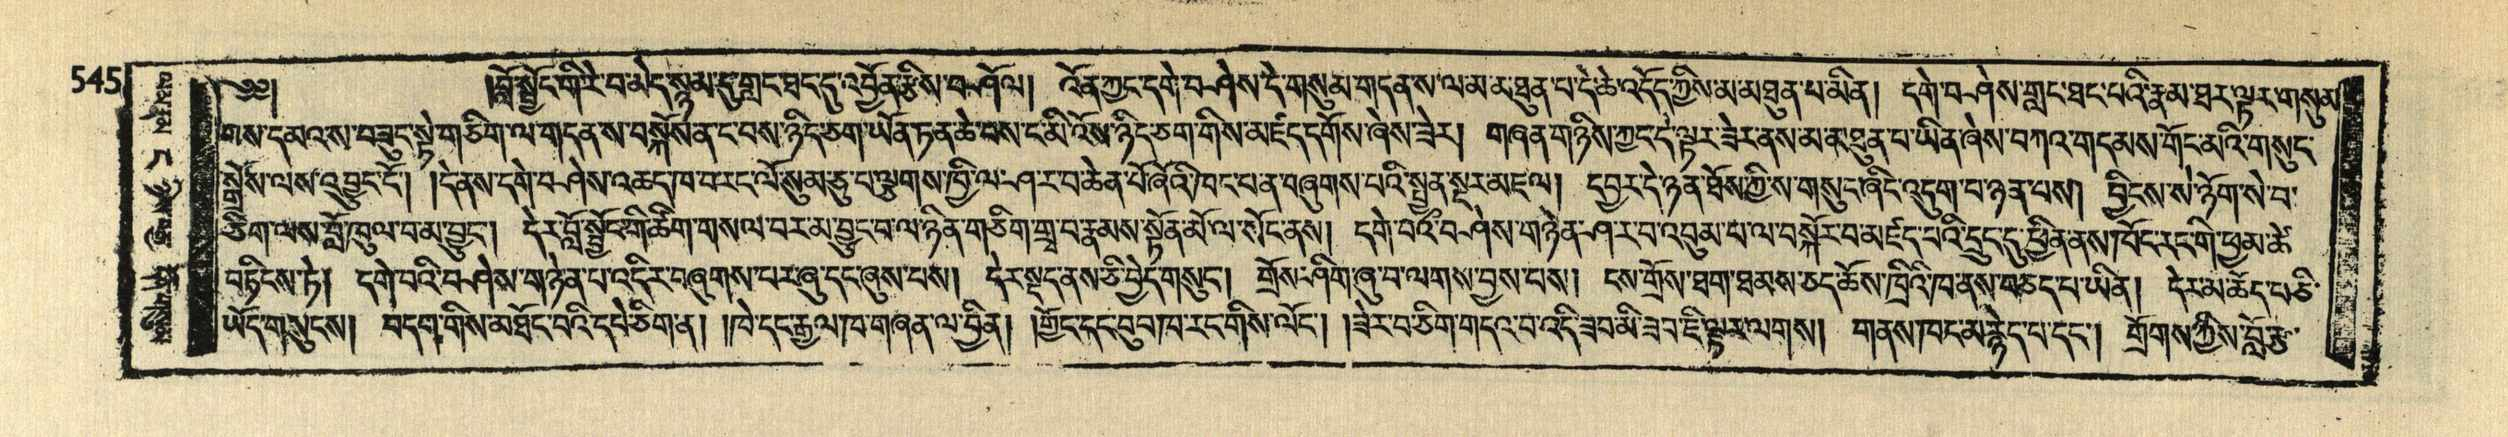༄༅། །བློ་སྦྱོང་གི་རེ་བ་མེད་སྙམ་དུ་གླང་ཐང་དུ་འབྱོན་རྩིས་བཤོལ། འོན་ཀྱང་དགེ་བཤེས་དེ་གསུམ་གདན་ས་ལམ་མཐུན་པ་དེ་ཆེ་འདོད་ཀྱིས་མ་མཐུན་པ་མིན། དགེ་བཤེས་གླང་ཐང་པའི་རྣམ་ཐར་ལྟར་གསུམ་
གས་དམའ་ས་བཟུང་སྟེ་གཅིག་ལ་གདན་ས་བསྐོས་ན་ང་བས་ཉིད་ཅག་ཡོན་ཏན་ཆེ་བས་ང་མི་འོས་ཉིད་ཅག་གིས་མཛད་དགོས་ཞེས་ཟེར། གཞན་གཉིས་ཀྱང་དེ་ལྟར་ཟེར་ནས་མ་མཐུན་པ་ཡིན་ཞེས་བཀའ་གདམས་གོང་མའི་གསུང་
སྒྲོས་ལས་འབྱུང་ངོ། །དེ་ནས་དགེ་བཤེས་འཆད་ཁ་བ་རང་ལོ་སུམ་ཅུ་པ་ལྕགས་ཁྱི་ལ་ཤར་བ་ཆེན་པོ་ཞོའི་ཁང་པན་བཞུགས་པའི་སྤྱན་སྔར་མཇལ། དབྱར་དེ་ཉན་ཐོས་ཀྱི་ས་གསུང་ཞིང་འདུག་པ་ཉན་པས། བྱིངས་སེ་ཉོག་སེ་བ་
ཅིག་ལས་བློ་ཁུལ་བ་མ་བྱུང་། དེར་བློ་སྦྱོང་གི་ཚིག་གསལ་བར་མ་བྱུང་བ་ལ་ཉིན་གཅིག་གྲྭ་བ་རྣམས་སྟོན་མོ་ལ་སོང་ནས། དགེ་བའི་བཤེས་གཉེན་ཤ་ར་བ་འབུམ་པ་ལ་བསྐོར་བ་མཛད་པའི་དྲུང་དུ་ཕྱིན་ནས་ཁོང་རང་གི་ཕྱམ་ཚེ་
བཏིངས་ཏེ། དགེ་བའི་བཤེས་གཉེན་པ་འདིར་བཞུགས་པར་ཞུ་དང་ཞུས་པས། དེར་སྡད་ནས་ཅི་བྱེད་གསུང་། གྲོས་ཤིག་ཞུ་བ་ལགས་བྱས་པས། ངས་གྲོས་ཐག་ཐམས་ཅད་ཆོས་ཁྲིའི་ཁ་ནས་བཅད་པ་ཡིན། དེར་མ་ཆོད་པ་ཅི་
ཡོད་གསུངས། བདག་གིས་མཐོང་བའི་དཔེ་ཅིག་ན། །ཁེ་དང་རྒྱལ་ཁ་གཞན་ལ་བྱིན། །གྱོང་དང་བུབ་ཁ་རང་གིས་ལོང་། །ཟེར་བ་ཅིག་གདའ་བ་འདི་ཟབ་མི་ཟབ་ཇི་ལྟར་ལགས། གནས་ཁང་མ་རྙེད་པ་དང་། གྲོགས་ཀྱིས་བློ་རྩ་